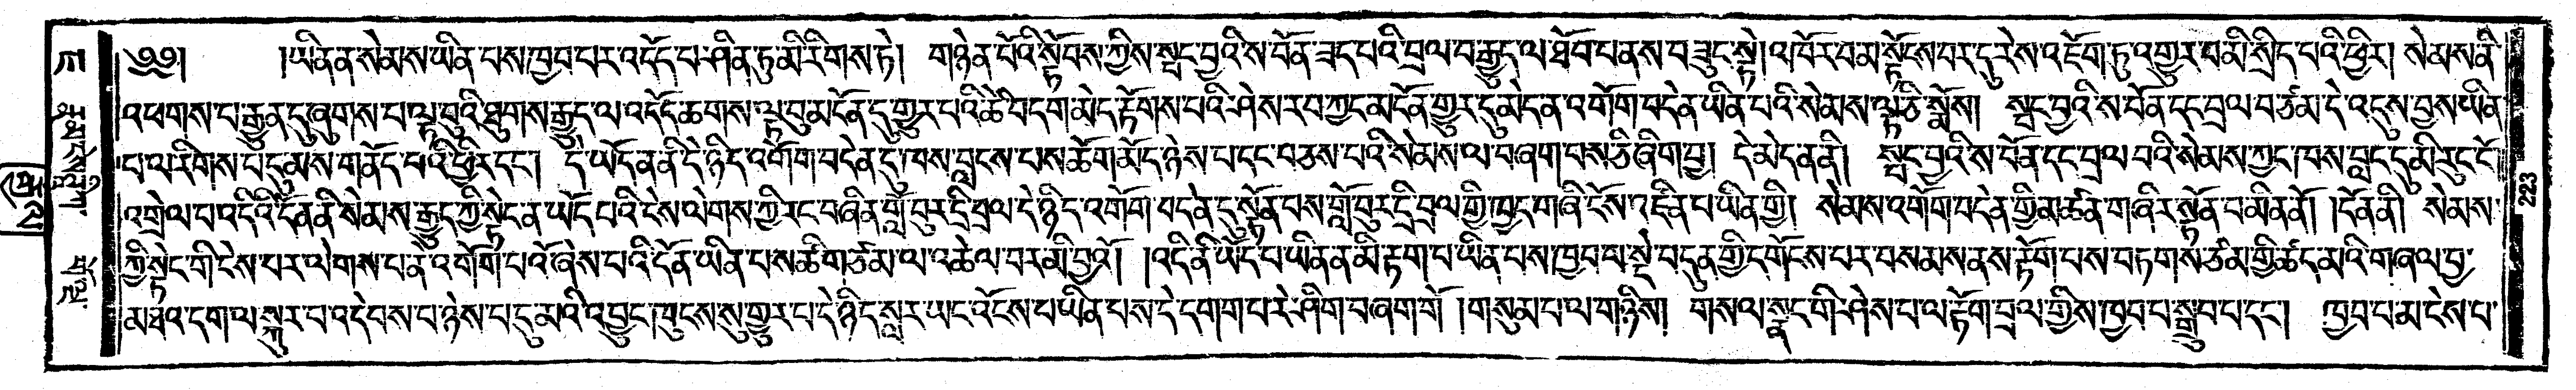༄༅། །ཡིན་ན་སེམས་ཡིན་པས་ཁྱབ་པར་འདོད་པ་ཤིན་ཏུ་མི་རིགས་ཏེ། གཉེན་པོའི་སྟོབས་ཀྱིས་སྤང་བྱའི་ས་བོན་ཟད་པའི་བྲལ་བ་རྒྱུད་ལ་ཐོབ་པ་ནས་བཟུང་སྟེ། འཁོར་བ་མ་སྟོངས་བར་དུ་རེས་འཇོག་ཏུ་འགྱུར་བ་མིས་རིད་པའི་ཕྱིར། སེམས་ནི་
འཕགས་པ་རྒྱུན་དུ་ཞུགས་པ་ལྟ་བུའི་ཐུགས་རྒྱུད་ལ་འདོད་ཆགས་ལྟ་བུ་མངོན་དུ་གྱུར་པའི་ཚེ་བདག་མེད་རྟོགས་པའི་ཤེས་རབ་ཀྱང་མངོན་གྱུར་དུ་མེད་ན་འགོག་བདེན་ཡིན་པའི་སེམས་ལྟ་ཅི་སྨོས། སྤང་བྱའི་ས་བོན་དང་བྲལ་བ་ཙམ་དེ་འདུས་བྱས་ཡིན་
པ་ལ་རིགས་པ་དུ་མས་གནོད་པའི་ཕྱིར་དང་། དེ་ཡོད་ན་ནི་དེ་ཉིད་འགོག་བདེན་དུ་ཁས་བླངས་པས་ཆོག་མོད་ཉེས་པ་དང་བཅས་པའི་སེམས་ལ་བཞག་པས་ཅི་ཞིག་བྱ། དེ་མེད་ན་ནི། སྤང་བྱའི་ས་བོན་དང་བྲལ་བའི་སེམས་ཀྱང་ཁས་བླང་དུ་མི་རུང་ངོ།
འགྲེལ་པ་འདིའི་དོན་ནི་སེམས་རྒྱུད་ཀྱི་སྟེང་ན་ཡོད་པའི་ངེས་ལེགས་ཀྱི་རང་བཞིན་གློ་བུར་དྲི་བྲལ་དེ་ཉིད་འགོག་བདེན་དུ་སྟོན་པས་གློ་བུར་དྲི་བྲལ་གྱི་ཁྱད་གཞི་ངོས་འཛིན་པ་ཡིན་གྱི། སེམས་འགོག་བདེན་གྱི་མཚན་གཞིར་སྟོན་པ་མིན་ནོ། །དོན་ནི། སེམས་
ཀྱི་སྟེང་གི་ངེས་པར་ལེགས་པ་ནི་འགོག་པའོ་ཞེས་པའི་དོན་ཡིན་པས་ཚིག་ཙམ་ལ་འཆེལ་བར་མི་བྱའོ། །འདི་ནི་ཡོད་པ་ཡིན་ན་མི་རྟག་པ་ཡིན་པས་ཁྱབ་ལ་སྡེ་བདུན་གྱི་དགོངས་པར་བསམས་ནས་རྟོག་པས་བཏགས་ཙམ་གྱི་ཚད་མའི་གཞལ་བྱ་
མཐའ་དག་ལ་སྐུར་བ་འདེབས་པ་ཉེས་པ་དུ་མའི་འབྱུང་ཁུངས་སུ་གྱུར་པ་དེ་ཉིད་སླར་ཡང་འོངས་པ་ཡིན་པས་དེ་དགག་པ་རེ་ཤིག་བཞག་གོ །གསུམ་པ་ལ་གཉིས། གསལ་སྣང་གི་ཤེས་པ་ལ་རྟོག་བྲལ་གྱིས་ཁྱབ་པ་སྒྲུབ་པ་དང་། ཁྱབ་པ་མ་ངེས་པ་